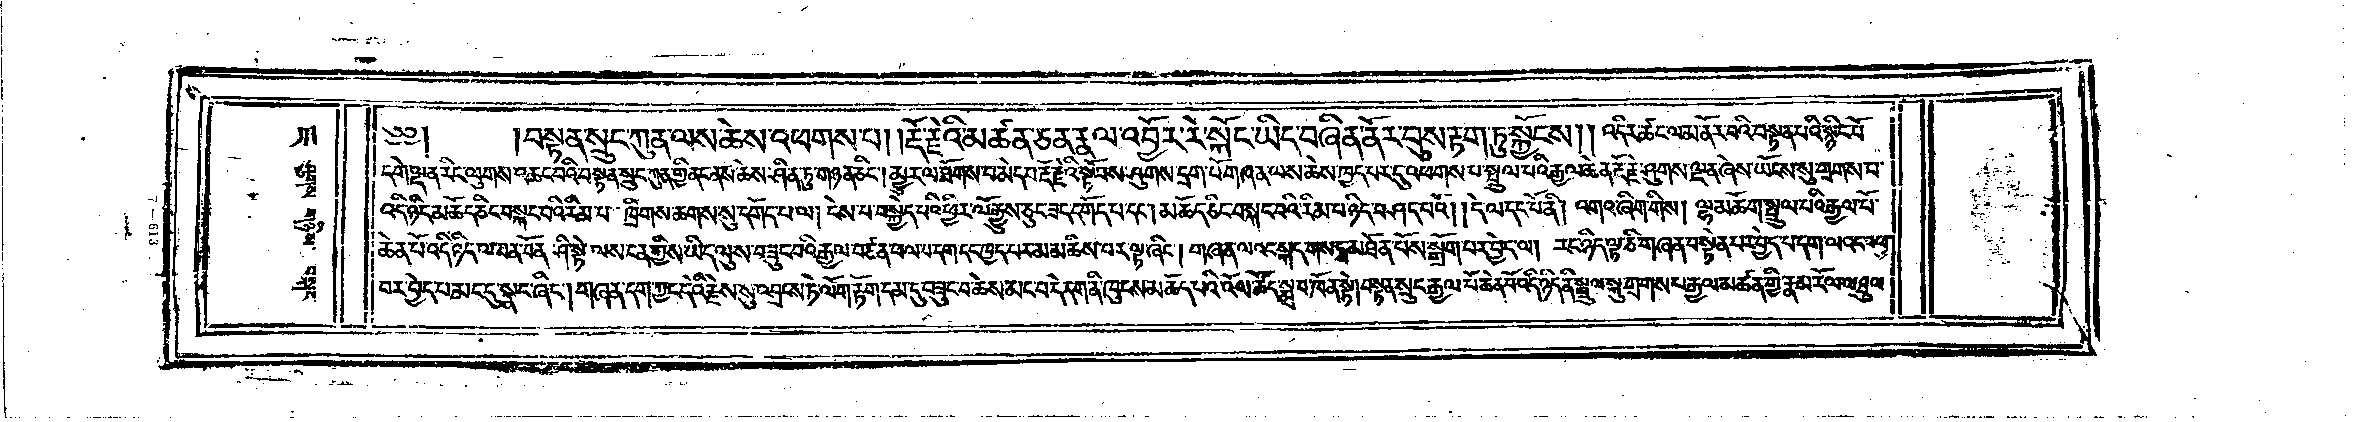༄༅། །བསྟན་སྲུང་ཀུན་ལས་ཆེས་འཕགས་པ། །རྡོ་རྗེའི་མཚན་ཅན་རྣལ་འབྱོར་རེ་སྐོང་ཡིད་བཞིན་ནོར་བུས་རྟག་ཏུ་སྐྱོངས། །འདིར་ཚང་ལམ་ནོར་བའི་བསྟན་པའི་སྙིང་པོ་
དགེ་ལྡན་རིང་ལུགས་འཆང་པའི་བསྟན་སྲུང་ཀུན་གྱི་ནང་ནས་ཆེས་ཤིན་ཏུ་གཉན་ཅིང་། །མྱུར་ལ་ཐོགས་པ་མེད་པ་རྡོ་རྗེའི་སྟོབས་ཤུགས་དྲག་པོ་གཞན་ལས་ཆེས་ཁྱད་པར་དུ་འཕགས་པ་སྤྲུལ་པའི་རྒྱལ་ཆེན་རྡོ་རྗེ་ཤུགས་ལྡན་ཞེས་ཡོངས་སུ་གྲགས་པ་
འདི་ཉིད་མཆོད་ཅིང་བསྐང་བའི་རིམ་པ་ཁྲིགས་ཆགས་སུ་དགོད་པ་ལ། ངེས་པ་བསྐྱེད་པའི་ཕྱིར་ལོ་རྒྱུས་ཅུང་ཟད་དགོད་པ་དང་། །མཆོད་ཅིང་བསྐང་བའི་རིམ་པ་ཉིད་བཤད་པའོ། །དེ་ལ་དང་པོ་ནི། འགའ་ཞིག་གིས། ལྷ་མཆོག་སྤྲུལ་བའི་རྒྱལ་པོ་
ཆེན་པོ་འདི་ཉིད་ལ་ཕན་བོན་ཤི་སྟེ་ལས་ངན་གྱིས་ཡིད་ལུས་བཟུང་བའི་རྒྱལ་བ་ཙན་ཕལ་བདག་དང་ཁྱད་པར་མ་མཆིས་བར་ལྟ་ཞིང་། །གཞན་ལའང་སྐད་གསངས་མཐོན་པོས་སྒྲོག་བར་བྱེད་ལ། རང་ཉིད་ལྟ་ཅིག་གཞན་བསྟེན་པར་བྱེད་པ་དག་ལ་ངང་འཕྱ་
བར་བྱེད་པ་མང་དུ་སྣང་ཞིང་། །གཞན་དག་ཀྱང་དེའི་རྗེས་སུ་འབྲངས་ཏེ་ལོག་རྟོག་དམ་དུ་བཟུང་པ་ཆེས་མང་བ་དེ་དག་ནི་ཁུངས་མཆོད་པའི་འོལ་ཚོད་སྨྲ་བ་ཁོ་ན་སྟེ། བསྟན་སྲུང་རྒྱལ་པོ་ཆེན་པོ་འདི་ཉིད་ནི་སྤྲུལ་སྐུ་གྲགས་པ་རྒྱལ་མཚན་ཀྱི་རྣམ་རོལ་འཕྲུལ་